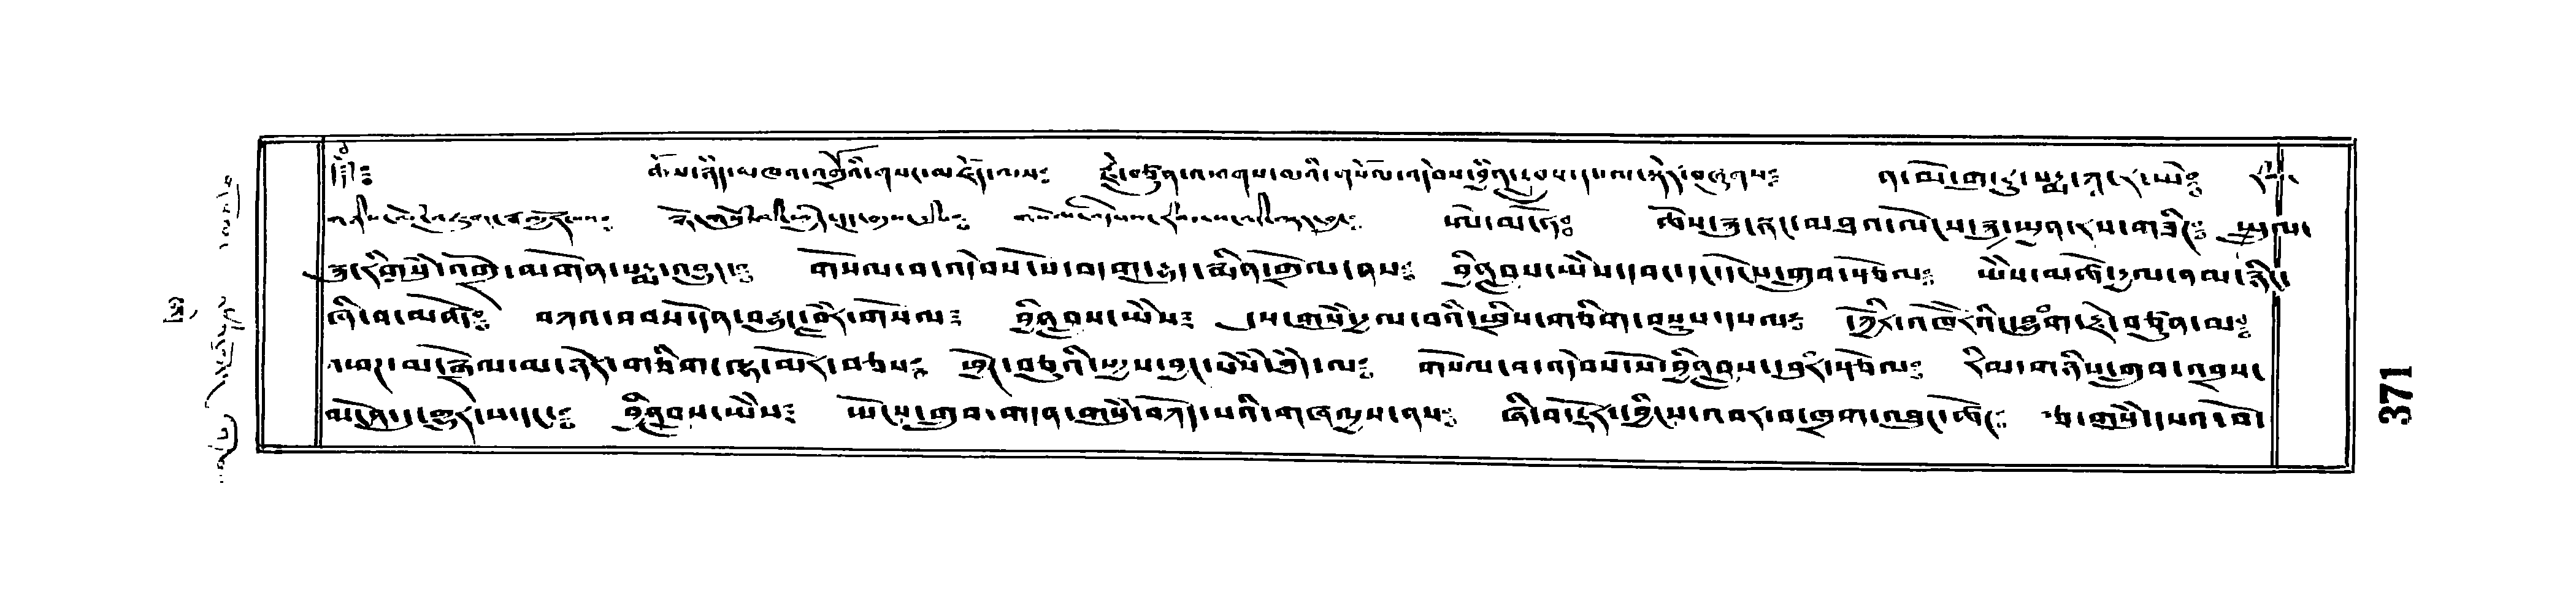ཆོས་ཉིད་མཁའ་འགྲོའི་གསང་མཛོད་ལས༔ རྗེ་བཙུན་འཕགས་མའི་གསོལ་འདེབས་བྱིན་རླབས་དཔལ་སྟེར་བཞུགས༔ ན་མོ་གུ་རུ་པདྨ་ཀཱ་ར་ཡེ༔ རིམ་
གཉིས་ལམ་འཇུག་རྣལ་འབྱོར་པས༔ སྒོ་གསུམ་མི་ཕྱེད་དད་གུས་ཀྱིས༔ གསོལ་འདེབས་རིམ་པ་འདི་ལྟར་བྱ༔ ཨེ་མ་ཧོཿ ཆོས་སྐུ་སྣང་མཐའ་ལོངས་སྐུ་སྤྱན་རས་གཟིགས༔ སྤྲུལ་
སྐུ་རིགས་གསུམ་འགྲོ་མགོན་པདྨ་འབྱུང༔ གསོལ་བ་འདེབས་སོ་བདག་རྒྱུད་སྨིན་གྲོལ་ནས༔ བྱིན་རླབས་ཡེ་ཤེས་དབང་དང་དངོས་གྲུབ་སྩོལ༔ ཡེ་ཤེས་མཚོ་རྒྱལ་ནམ་སྙིང་
ཞི་བ་མཚོ༔ བཀའ་བབས་དོན་བརྒྱུད་བླ་མར་གསོལ༴ བྱིན་རླབས་ཡེ་ཤེས༴ དུས་གསུམ་རྒྱལ་བའི་ཕྲིན་ལས་གཅིག་བསྡུས་དཔལ༔ དཀྱིལ་འཁོར་འཁོར་ལོའི་དབང་ཕྱུག་རྗེ་བཙུན་མ༔ 
འཕགས་མ་སྒྲོལ་མ་ཉེར་གཅིག་ལྷ་མོར་བཅསཿ ཕྱོགས་བཅུའི་སངས་རྒྱས་བྱང་སེམས་ཐམས་ཅད་ལ༔ གསོལ་བ་འདེབས་སོ་བྱིན་རླབས་དབང་བསྐུར་སྩོལ༔ རིམ་གཉིས་གྲུབ་འབྲས་
མངོན་དུ་གྱུར་པ་དང༔ བྱིན་རླབས་ཡེ་ཤེས༴ ཡོངས་གྲུབ་གདན་གསུམ་བཀོད་པའི་གཞལ་ཡས་ནས༔ ཞི་བ་རྡོར་དབྱིངས་འབར་བ་ཁྲག་འཐུང་ཚོགས༔ རྩ་གསུམ་དཔའ་བོ་